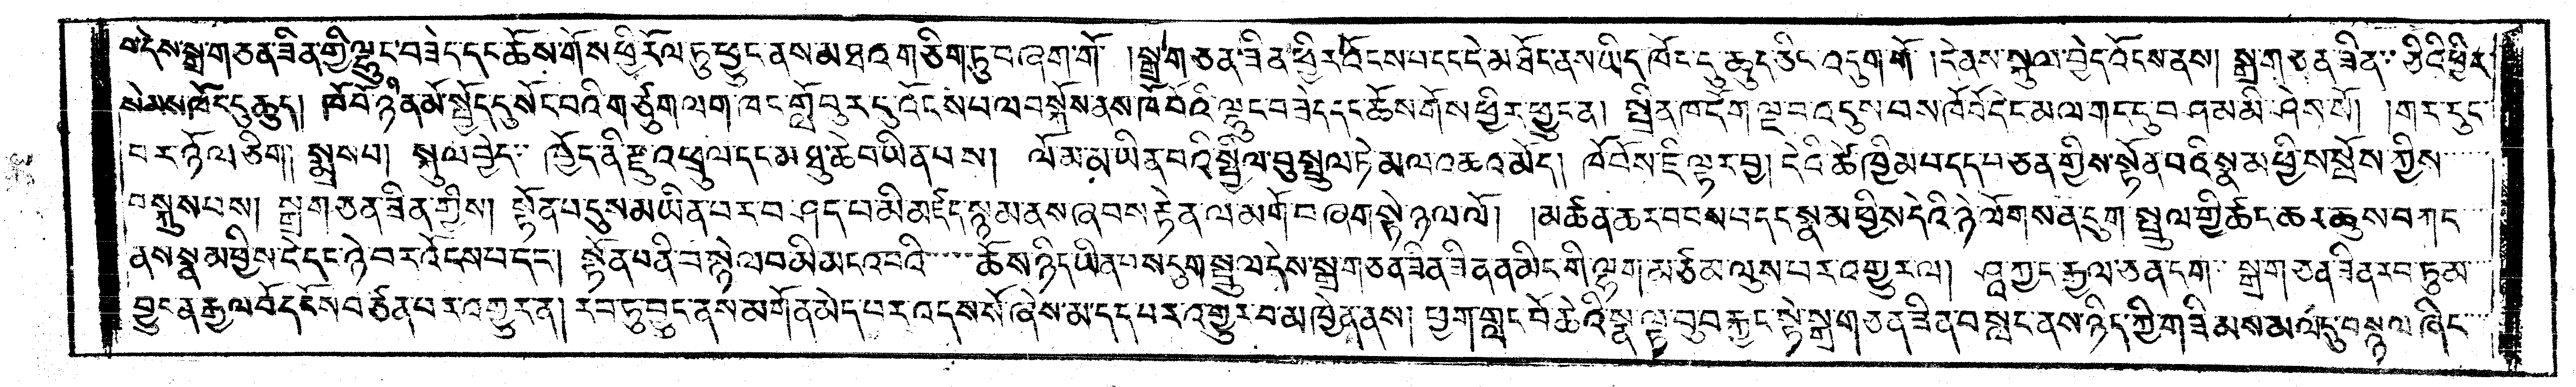བ་དེས་སྒྲ་གཅན་ཟིན་གྱི་ལྷུང་བཟེད་དང་ཆོས་གོས་ཕྱི་རོལ་ཏུ་ཕྱུང་ནས་མཐའ་གཅིག་ཏུ་བཞག་གོ །སྒྲ་གཅན་ཟིན་ཕྱིར་འོངས་པ་དང་དེ་མཐོང་ནས་ཡིད་ཁོང་དུ་ཆུད་ཅིང་འདུག་གོ །དེ་ནས་སྐུལ་བྱེད་འོངས་ནས། སྒྲ་གཅན་ཟིན༑ ཅིའི་ཕྱིར་
སེམས་ཁོང་དུ་ཆུད། ཁོ་བོ་ཉིན་མོ་སྤྱོད་དུ་སོང་བའི་གཙུག་ལག་ཁང་གློ་བུར་དུ་འོངས་པ་ལ་བསྐོས་ནས་ཁོ་བོའི་ལྷུང་བཟེད་དང་ཆོས་གོས་ཕྱིར་ཕྱུང་ན། སྤྲིན་ཁ་དོག་ལྔ་བ་འདུས་བས་ཁོ་བོ་དེད་མལ་གང་དུ་བཤམ་མི་ཤེས་སོ། །གར་རུང་
བར་ཉོལ་ཅིག། སྨྲས་པ། སྐུལ་བྱེད༑ ཁྱོད་ནི་རྫུ་འཕྲུལ་དང་མཐུ་ཆེ་བ་ཡིན་པས། ལོ་མ་མ་ཡིན་པའི་སྤྱིལ་བུ་སྤྲུལ་ཏེ་མལ་འཆའ་མོད། ཁོ་བོས་ཇི་ལྟར་བྱ། དེའི་ཚེ་ཁྱིམ་པ་དད་པ་ཅན་གྱིས་སྟོན་པའི་སྣམ་ཕྱི་ས་སྤོས་ཀྱིས་
བསྐུས་པས། སྒྲ་གཅན་ཟིན་གྱིས། སྟོན་པ་དུས་མ་ཡིན་པར་བཤད་པ་མི་མཛད་སྙམ་ནས་ཞབས་རྟེན་ལ་མགོ་བཞག་སྟེ་ཉལ་ལོ། །མཚན་ཆར་བབས་བ་དང་སྣམ་ཕྱིས་དེའི་ཉེ་ལོགས་ན་དུག་སྤྲུལ་གྱི་ཚང་ཆར་ཆུས་བཀང་
ནས་སྣམ་ཕྱིས་དེ་དང་ཉེ་བར་འོངས་པ་དང་། སྟོན་པ་ནི་བསྙེལ་བ་མི་མངའ་བའི་ཆོས་ཉིད་ཡིན་པས་དུག་སྦྲུལ་དེས་སྒྲ་གཅན་ཟིན་ཟིན་ན་མིང་གི་ལྷག་མ་ཙམ་ལུས་པར་འགྱུར་ལ། ཤཱ་ཀྱ་ང་རྒྱལ་ཅན་དག༑ སྒྲ་གཅན་ཟིན་རབ་ཏུ་མ་
བྱུང་ན་རྒྱལ་བོ་དངོས་བཙན་པར་འགྱུར་ན། རབ་ཏུ་བྱུང་ནས་མགོན་མེད་པར་འདས་སོ་ཞེས་མ་དད་པར་འགྱུར་བ་མཁྱེན་ནས། ཕྱག་གླང་བོ་ཆེའི་སྣ་ལྟ་བུ་བརྐྱང་སྟེ་སྒྲ་གཅན་ཟིན་བསླང་ནས་ཉིད་ཀྱི་གཟིམས་མལ་དུ་བསྙལ་ཞིང་